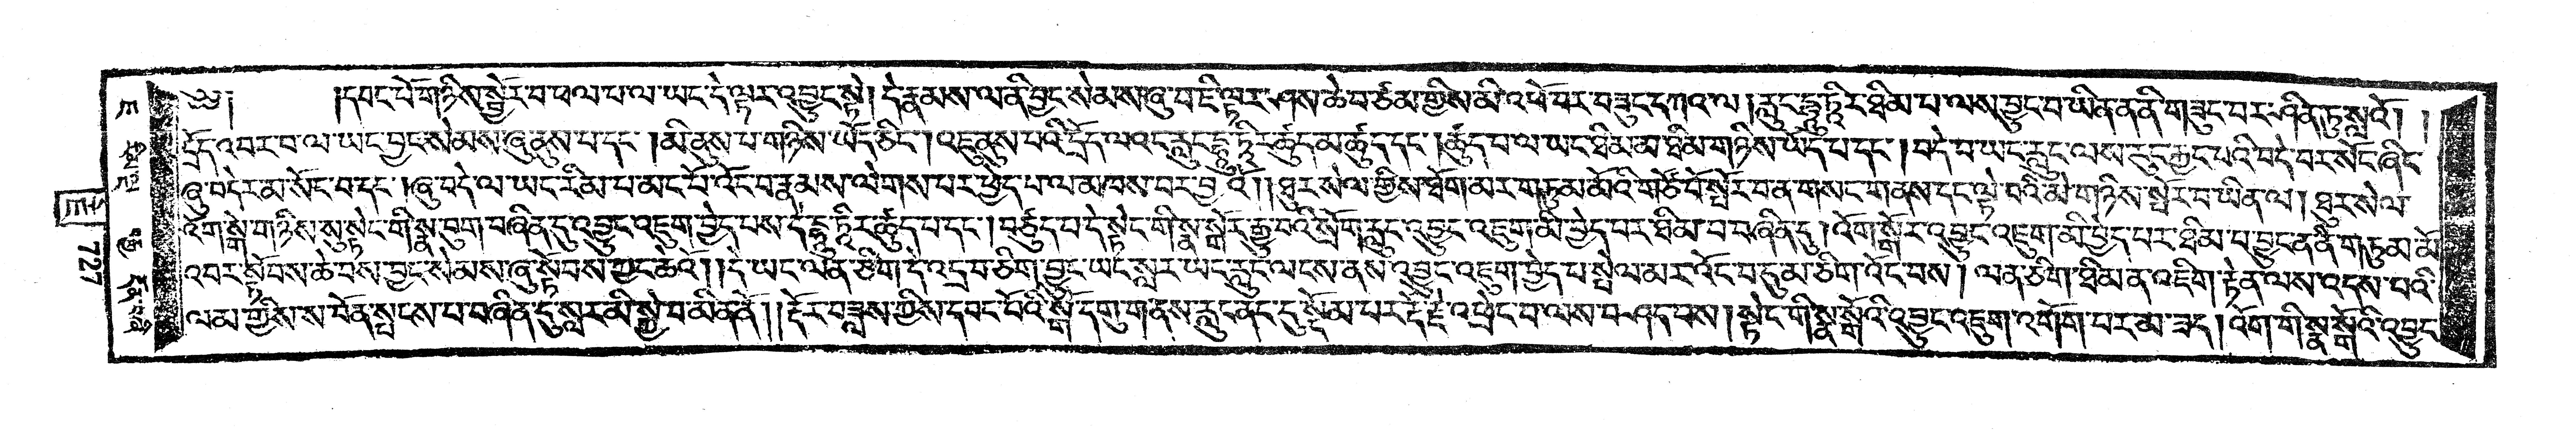༄༅། །དབང་པོ་གཉིས་སྦྱོར་བ་ཕལ་པ་ལ་ཡང་དེ་ལྟར་འབྱུང་སྟེ། དེ་རྣམས་ལ་ནི་བྱང་སེམས་ཞུ་བ་ཇི་ལྟར་ཤས་ཆེ་བ་ཙམ་གྱིས་མི་འཕོ་བར་བཟུང་དཀའ་ལ། རླུང་དྷཱུ་ཏཱིར་ཐིམ་པ་ལས་བྱུང་བ་ཡིན་ན་ནི་གཟུང་བར་ཤིན་ཏུ་སླའོ། །
དྲོད་འབར་བ་ལ་ཡང་བྱང་སེམས་ཞུ་ནུས་པ་དང་། མི་ནུས་པ་གཉིས་ཡོད་ཅིང་། འཇུ་ནུས་པའི་དྲོད་ལའང་རླུང་དྷཱུ་ཏཱིར་ཚུད་མ་ཚུད་དང་། ཚུད་པ་ལ་ཡང་ཐིམ་མ་ཐིམ་གཉིས་ཡོད་པ་དང་། བདེ་བ་ཡང་རླུང་ལས་རུང་རྐྱང་པའི་བདེ་བར་སོང་ཞིང་
ཞུ་བདེར་མ་སོང་བ་དང་། ཞུ་བདེ་ལ་ཡང་རིམ་པ་མང་པོ་འོང་བ་རྣམས་ལེགས་པར་ཕྱེད་པ་ལ་མཁས་པར་བྱའོ། །ཐུར་སེལ་གྱིས་ཐོག་མར་གཏུམ་མོའི་གཙོ་བོ་སྤོར་བ་ན་གསང་གནས་དང་ལྟེ་བའི་མེ་གཉིས་སྤོར་བ་ཡིན་ལ། ཐུར་སེལ་
འོག་སྒོ་གཉིས་སུ་སྟེང་གི་སྣ་བུག་བཞིན་དུ་འབྱུང་འཇུག་བྱེད་པས་དེ་དྷཱུ་ཏཱིར་ཚུད་པ་དང་། བཙུད་པ་དེ་སྟེང་གི་སྣ་སྒོར་རྒྱུ་བའི་སྲོག་རླུང་འབྱུང་འཇུག་མི་བྱེད་པར་ཐིམ་པ་བཞིན་དུ། འོག་སྒོར་འབྱུང་འཇུག་མི་བྱེད་པར་ཐིམ་པ་བྱུང་ན་ནི་གཏུམ་མོ་
འབར་སྟོབས་ཆེ་བས་བྱང་སེམས་ཞུ་སྟོབས་ཀྱང་ཆེའོ། །དེ་ཡང་ལན་ཅིག་དེ་འདྲ་བ་ཅིག་བྱུང་ཡང་སླར་ཡང་རླུང་ལངས་ནས་འབྱུང་འཇུག་བྱེད་པ་སྤེལ་མར་འོང་བ་དུ་མ་ཅིག་འོང་བས། ལན་ཅིག་ཐིམ་ན་འཇིག་རྟེན་ལས་འདས་པའི་
ལམ་གྱིས་ས་བོན་སྤངས་པ་བཞིན་དུ་སླར་མི་སྐྱེ་བ་མིན་ནོ། །རྡོར་བཟླས་ཀྱིས་དབང་པོའི་སྒོ་དགུ་ག་ནས་རླུང་ནང་དུ་སྡོམ་པར་རྡོ་རྗེ་འཕྲེང་བ་ལས་བཤད་པས། སྟེང་གི་སྣ་སྒོའི་འབྱུང་འཇུག་འགོག་པར་མ་ཟད། འོག་གི་སྣ་སྒེའི་འབྱུང་